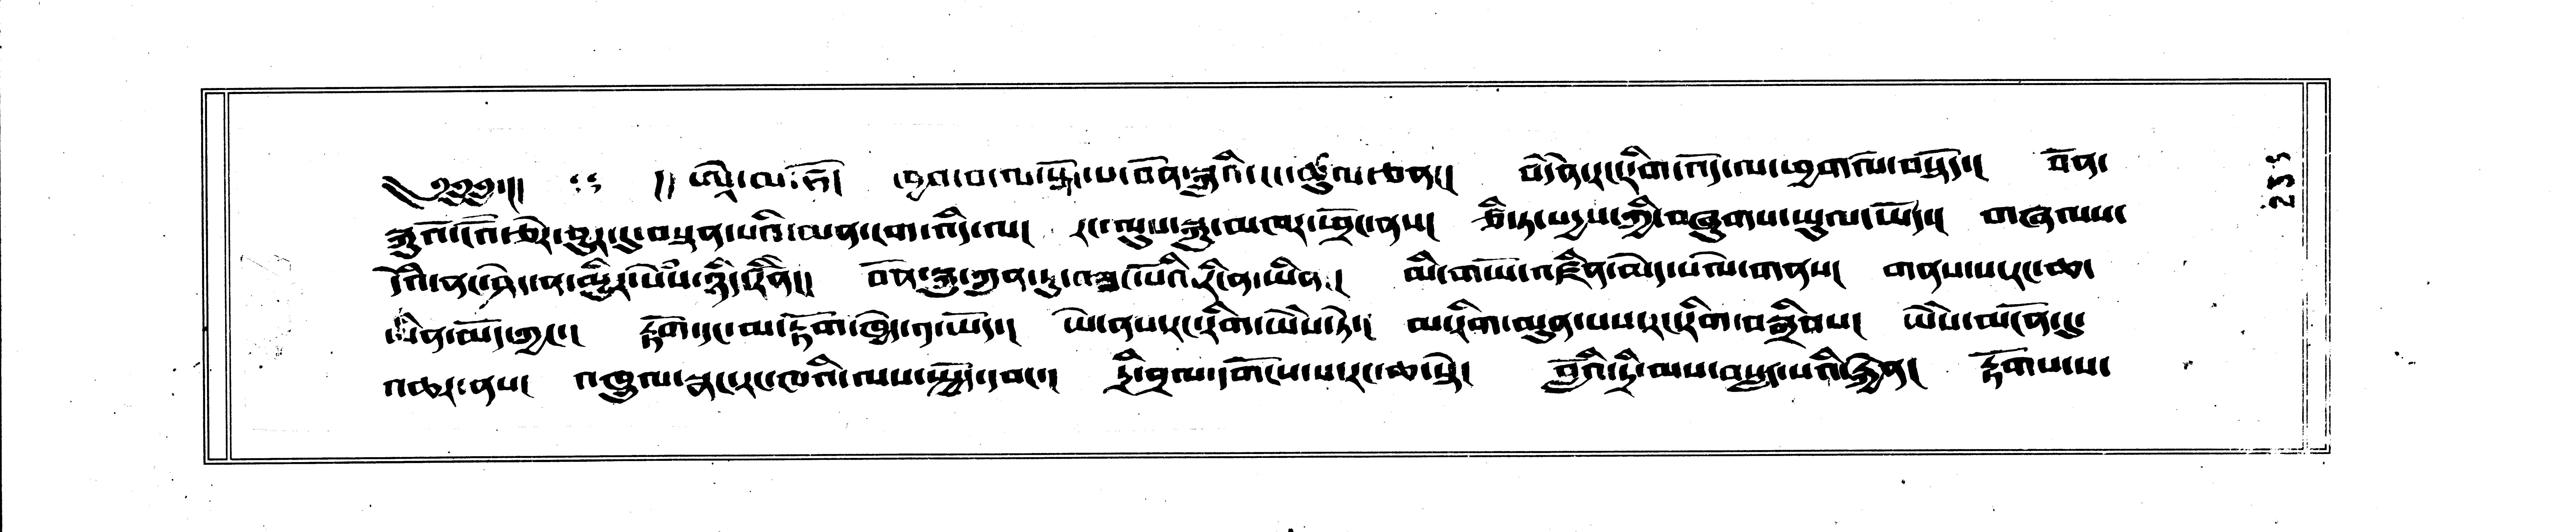༄༅།།ཨེ་མ་ཧོ། ཁྱབ་བདལ་སྟོང་པ་བོན་སྐུའི་ངང་ཚུལ་ཅན། བདེ་ཆེན་རང་རིག་འོད་ལ་ཕྱག་འཚལ་ལོ། བོན་
སྐུའི་ངོའོ་གཅེར་ཕོལ་༼བུར༽དུ་བསྟན་པའི་མེན་ངག་འདི་ལ། རང་ལུས་སྐུ་མཁར་ཕོ་བྲང་ན། ཙི་ཏ་སངས་རྒྱས་བཞུགས་ཡུལ་ཡོད། གཞལ་ཡས་
དེའི་ནང་ཤེད་ན། མི་འགྱུར་སེམས་ཉིད་རིན་པོ་ཆེ། བོན་སྐུ་ཀུན་བཟང་གིས་རང་བཞིན་ཅན། མི་གཡོ་འཛིན་མེད་སལེ་གནས། གནས་པས་རང་ཆ་
ཡིན་མོད་ཀྱང་། རྟོགས་དང་མ་རྟོགས་ཁྱེད་༼ཁྱད་༽ཅིག་ཡོད། ཡེ་ནས་རང་རིག་ཡེ་ཤེས་ཏེ། མ་རིག་མུན་པས་རང་རིག་བསྒྲིབ། ཡེ་ཤེས་མངོན་དུ་
མི་འཆར་ནས། འཁྲུལ་སྣང་རང་ཁའི་ལས་སྤྱོད་དབང་། དྲི་བྲལ་དགོངས་པ་རང་ཆས་ཏེ། བློའི་དྲི་མས་བསླད་པའི་རྐྱེན། རྟོག་པ་